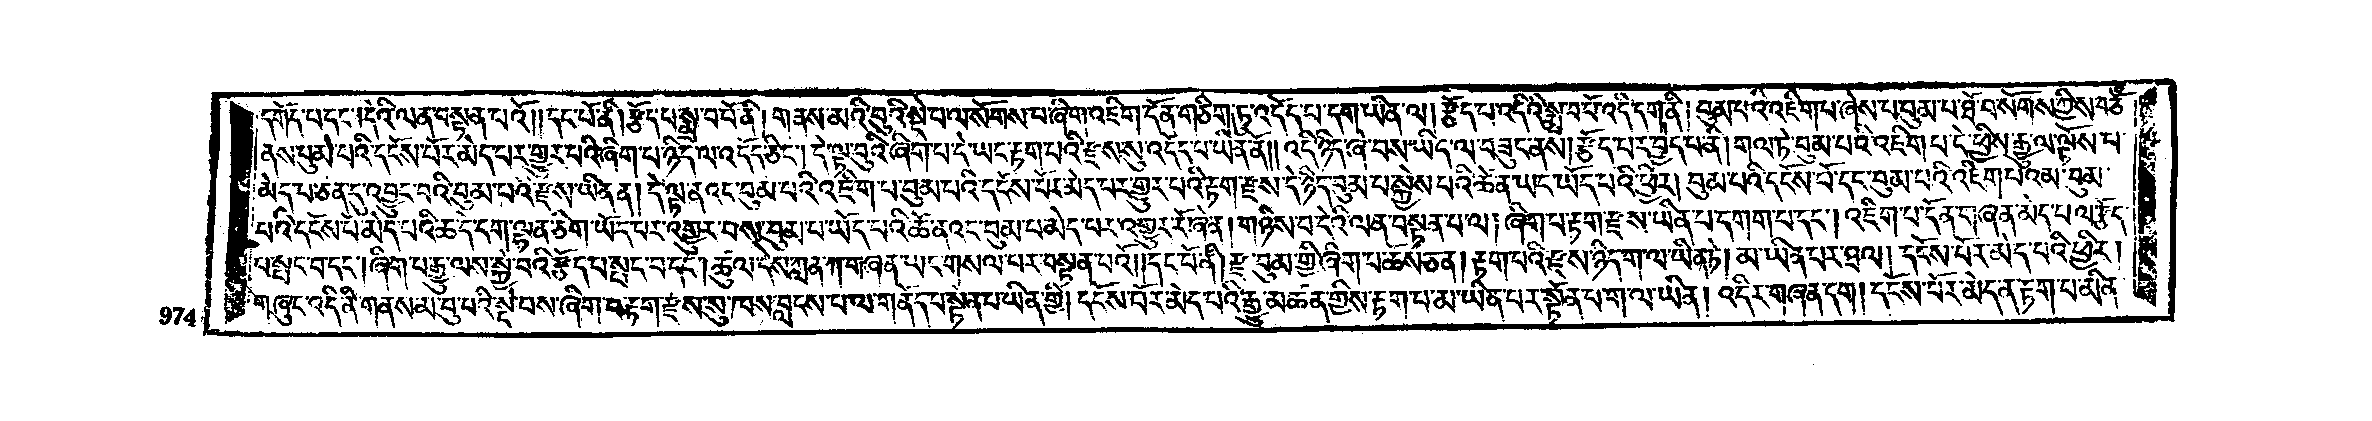དགོད་པ་དང་། དེའི་ལན་བསྟན་པའོ། །དང་པོ་ནི། རྩོད་པ་སྨྲ་བ་པོ་ནི། གནས་མའི་བུའི་སྡེ་པ་ལ་སོགས་པ་ཞིག་འཇིག་དོན་གཅིག་ཏུ་འདོད་པ་དག་ཡིན་ལ། རྩོད་པ་འདིའི་སྨྲ་བ་པོ་འདི་དག་ནི། བུམ་པའི་འཇིག་པ་ཞེས་པ་བུམ་པ་ཐོ་བ་སོགས་ཀྱིས་བཅོམ་
ནས་བུམ་པའི་དངོས་པོར་མེད་པར་གྱུར་པའི་ཞིག་པ་ཉིད་ལ་འདོད་ཅིང་། དེ་ལྟ་བུའི་ཞིག་པ་དེ་ཡང་རྟག་པའི་རྫས་སུ་འདོད་པ་ཡིན་ནོ། །འདི་ཉིད་ཞེ་བས་ཡིད་ལ་བཟུང་ནས། རྩོད་པར་བྱེད་པ་ནི། གལ་ཏེ་བུམ་པའི་འཇིག་པ་དེ་ཕྱིས་རྒྱུ་ལ་ལྟོས་པ་
མེད་པ་ཅན་དུ་འབྱུང་བའི་བུམ་པའི་རྫས་ཡིན་ན། དེ་ལྟ་ནའང་བུམ་པའི་འཇིག་པ་བུམ་པའི་དངོས་པོར་མེད་པར་གྱུར་པའི་རྟག་རྫས་དེ་ཉིད་བུམ་པ་སྐྱེས་པའི་ཚེ་ན་ཡང་ཡོད་པའི་ཕྱིར། བུམ་པའི་དངོས་པོ་དང་བུམ་པའི་འཇིག་པའམ་བུམ་
པའི་དངོས་པོ་མེད་པའི་ཆ་དེ་དག་ལྷན་ཅིག་ཡོད་པར་འགྱུར་བས་བུམ་པ་ཡོད་པའི་ཚེ་ནའང་བུམ་པ་མེད་པར་འགྱུར་རོ་ཞེ་ན། གཉིས་པ་དེའི་ལན་བསྟན་པ་ལ། ཞིག་པ་རྟག་རྫས་ཡིན་པ་དགག་པ་དང་། འཇིག་པ་དོན་གཞན་མེད་པ་ལ་རྩོད་
པ་སྤང་བ་དང་། ཞིག་པ་རྒྱུ་ལས་སྐྱེ་བའི་རྩོད་པ་སྤང་བ་དང་། ཚུལ་དེས་ཀླན་ཀ་གཞན་ཡང་གསལ་པར་བསྟན་པའོ། །དང་པོ་ནི། རྫ་བུམ་གྱི་ཞིག་པ་ཆོས་ཅན། རྟག་པའི་རྫས་ཉིད་ག་ལ་ཡིན་ཏེ། མ་ཡིན་པར་ཐལ། དངོས་པོར་མེད་པའི་ཕྱིར།
གཞུང་འདི་ནི་གནས་མ་བུ་པའི་སྡེ་བས་ཞིག་པ་རྟག་རྫས་སུ་ཁས་བླངས་པ་ལ་གནོད་པ་སྟེན་པ་ཡིན་གྱི། དངོས་པོར་མེད་པའི་རྒྱུ་མཚན་གྱིས་རྟག་པ་མ་ཡིན་པར་སྟོན་པ་ག་ལ་ཡིན། འདིར་གཞན་དག །དངོས་པོར་མེད་ན་རྟག་པ་མིན་